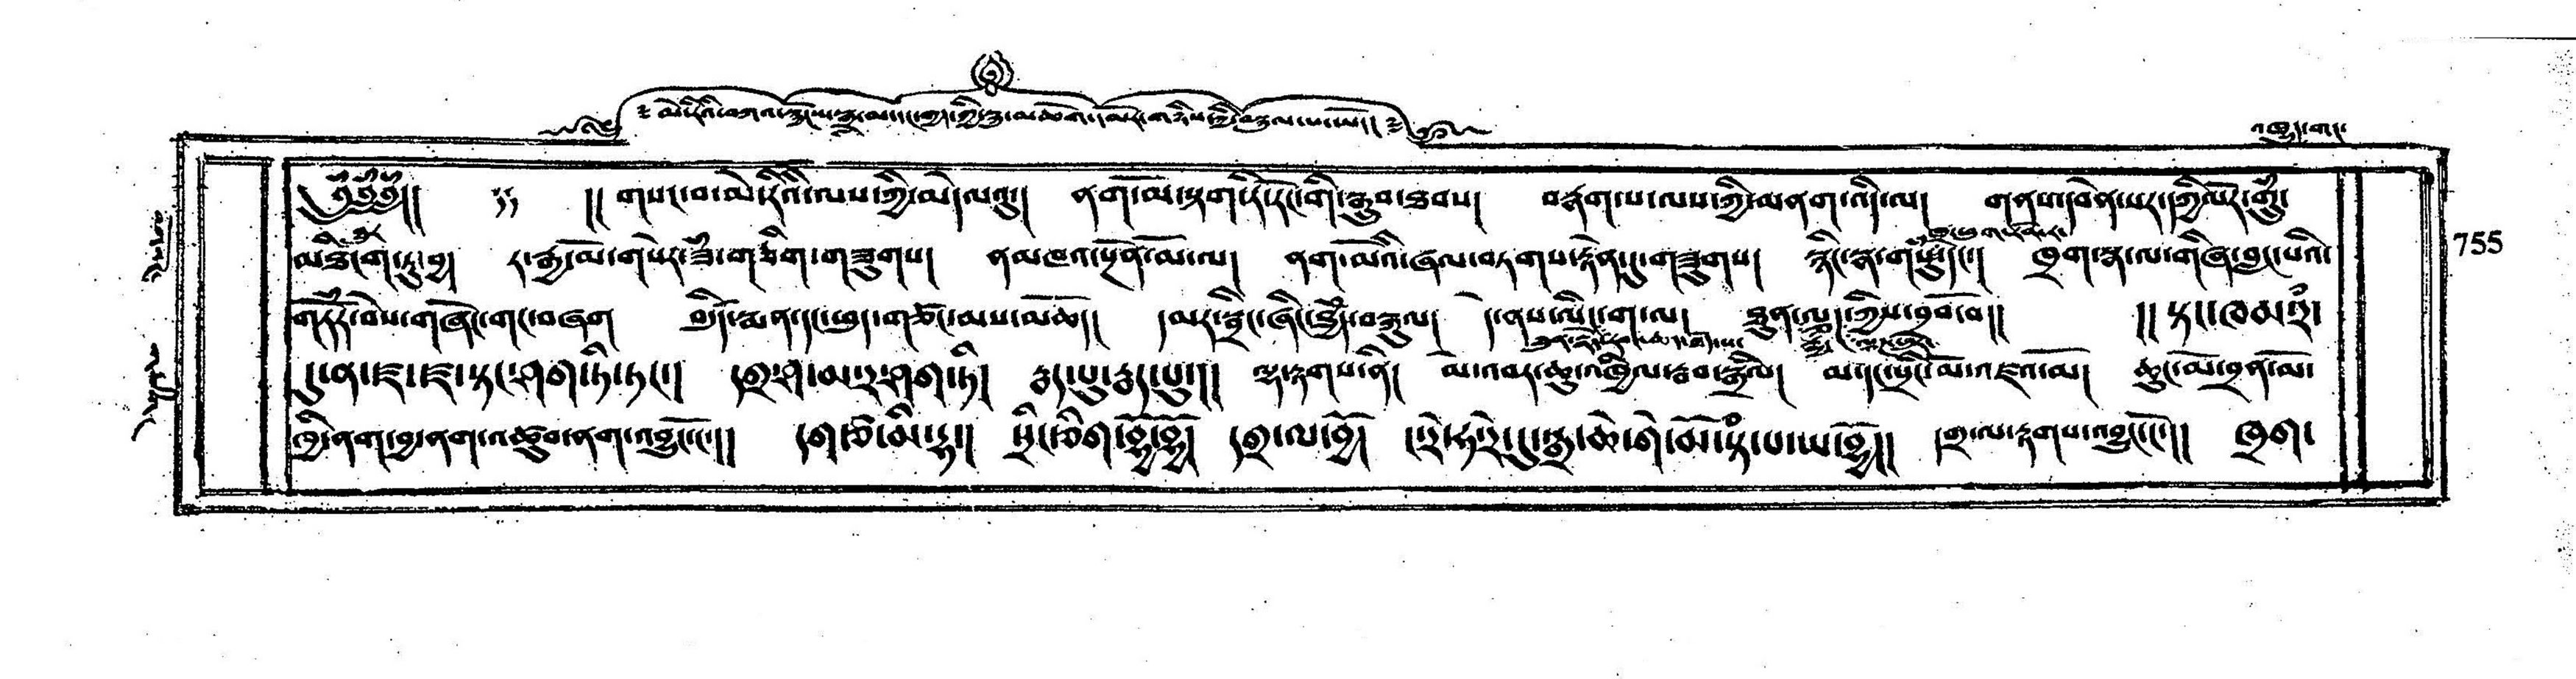༄༅༅།། །།གསང་བ་མེ་རིའི་ལས་ཀྱི་མདེའུ། ནག་མོ་སྟག་རི་རོང་གི་སྒྲུབ་ཐབས། བརྣག་པ་ལས་ཀྱི་མན་ངག་འདི་ལ། གནས་དབེན་པར་དཀྱིལ་འཁོར་གྲུ་གསུམ་༼འཁྱུད་གང་༽
མཐིང་ནག་༼ཐུར༽ཏུ་བྱ། ར་རྒྱ་མོ་གསེར་ཟམ་གཅིག་གཟུགས། ནམ་མཁའ་སྔོན་མོ་ལ། ནག་མོའི་ཞལ་བཏགས་རྟེན་དུ་གཟུགས། སྙིང་སྣ་གསུམ་༼ཁྲ་ཕུག་རོན་ར༽་དང་། ཁྲག་སྣ་ལ་གཞི་བླང་པའི་
གཏོར་མ་བསེ་གཞོང་གང་བཞག བདུད་རྩི་སྨན་དང་ཕུད་གཙང་མས་མཆོད། དམར་སྦྲིང་ཞིང་ཐུགས་དམ་བསྐུལ། དེ་ནས་ལིང་ག་ལ།༼ཐུན་སྣོད་རབ་ཆད་ཐོད་པ༽ ཐུན་༼རྒྱ༽ལྕགས་༼ལྕགས་ཕུར༽ཀྱིས་བྲབ་བོ།། །།སྟང་ཁམ་རཾ་
དུ་ན་ཛ་ཛ་སྟང་ཤག་ཏི་ཏང་། དགྲ་ཤ་མ་ར་ཤག་ཏི། རྦད་པུ་རྦད་པུ།། ལྷ་རྟགས་ནི། མེ་འབར་ཆུ་འཁྱིལ་རྦབ་སྒྲིལ། མ་དང་སྲིང་མོ་འཛའ་མོ། ཆུང་མོ་བྲན་མོ་
ཁྱི་ནག་བྱ་ནག་འཚུབ་ནག་འབྱུང་ངོ་།། དག་ཙ་མི་དྷ། སྲིང་ཅིག་བྷྱོ་བྷྱོ། དགྲ་ལ་བྱོ། ང་རེ་ཧ་རེ་དུ་སྒྲ་ཆེ་གེ་མོ་སྟཾ་པ་ཡ་བྷྱོ།། དགྲ་ལ་རྟགས་འབྱུང་ངོ་།། ཁྲག་